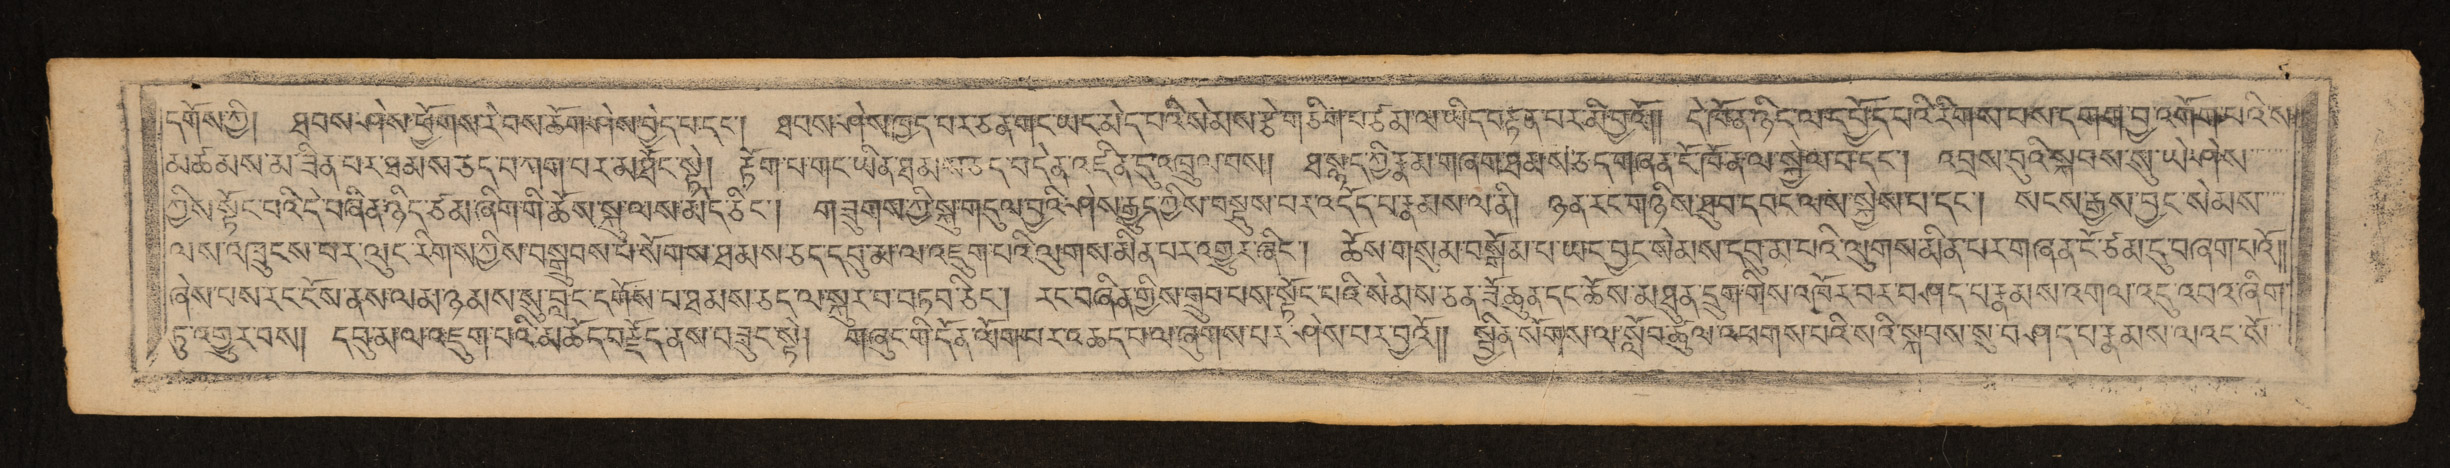དགོས་ཀྱི། ཐབས་ཤེས་ཕྱོགས་རེ་བས་ཆོག་ཤེས་བྱེད་པ་དང་། ཐབས་ཤེས་ཁྱད་པར་ཅན་གང་ཡང་མེད་པའི་སེམས་རྩེ་གཅིག་པ་ཙམ་ལ་ཡིད་བརྟན་པར་མི་བྱའོ།། དེ་ཁོ་ན་ཉིད་ལ་དཔྱོད་པའི་རིགས་པས་དགག་བྱ་འགོག་པའི་ས་
མཚམས་མ་ཟིན་པར་ཐམས་ཅད་བཀག་པར་མཐོང་སྟེ། རྟོག་པ་གང་ཡིན་ཐམས་ཅད་བདེན་འཛིན་དུ་འཁྲུལ་བས། ཐ་སྙད་ཀྱི་རྣམ་གཞག་ཐམས་ཅད་གཞན་ངོ་ཁོ་ན་ལ་སྐྱེལ་བ་དང་། འབྲས་བུའི་སྐབས་སུ་ཡེ་ཤེས་
ཀྱིས་སྟོང་པའི་དེ་བཞིན་ཉིད་ཙམ་ཞིག་གི་ཆོས་སྐུ་ལས་མེད་ཅིང་། གཟུགས་ཀྱི་སྐུ་གདུལ་བྱའི་ཤེས་རྒྱུད་ཀྱིས་བསྡུས་པར་འདོད་པ་རྣམས་ལ་ནི། ཉན་རང་གཉིས་ཐུབ་དབང་ལས་སྐྱེས་པ་དང་། སངས་རྒྱས་བྱང་སེམས་
ལས་འཁྲུངས་པར་ལུང་རིགས་ཀྱིས་བསྒྲུབས་པ་སོགས་ཐམས་ཅད་དབུ་མ་ལ་འཇུག་པའི་ལུགས་མིན་པར་འགྱུར་ཞིང་། ཆོས་གསུམ་བསྒོམ་པ་ཡང་བྱང་སེམས་དབུ་མ་པའི་ལུགས་མིན་པར་གཞན་ངོ་ཙམ་དུ་བཞག་པའོ།།
ཞེས་པས་རང་ངོས་ནས་ལམ་ཉམས་སུ་བླང་དགོས་པ་ཐམས་ཅད་ལ་སྐུར་བ་བཏབ་ཅིང་། རང་བཞིན་གྱིས་གྲུབ་པས་སྟོང་པའི་སེམས་ཅན་ཟོ་ཆུན་དང་ཆོས་མཐུན་དྲུག་གིས་འཁོར་བར་བཤད་པ་རྣམས་འགལ་འདུ་འབའ་ཞིག་
ཏུ་འགྱུར་བས། དབུ་མ་ལ་འཇུག་པའི་མཆོད་བརྗོད་ནས་བཟུང་སྟེ། གཞུང་གི་དོན་ལོག་པར་འཆད་པ་ལ་ཞུགས་པར་ཤེས་པར་བྱའོ།། སྦྱིན་སོགས་ལ་སློབ་ཚུལ་འཕགས་པའི་སའི་སྐབས་སུ་བཤད་པ་རྣམས་ལའང་སོ་